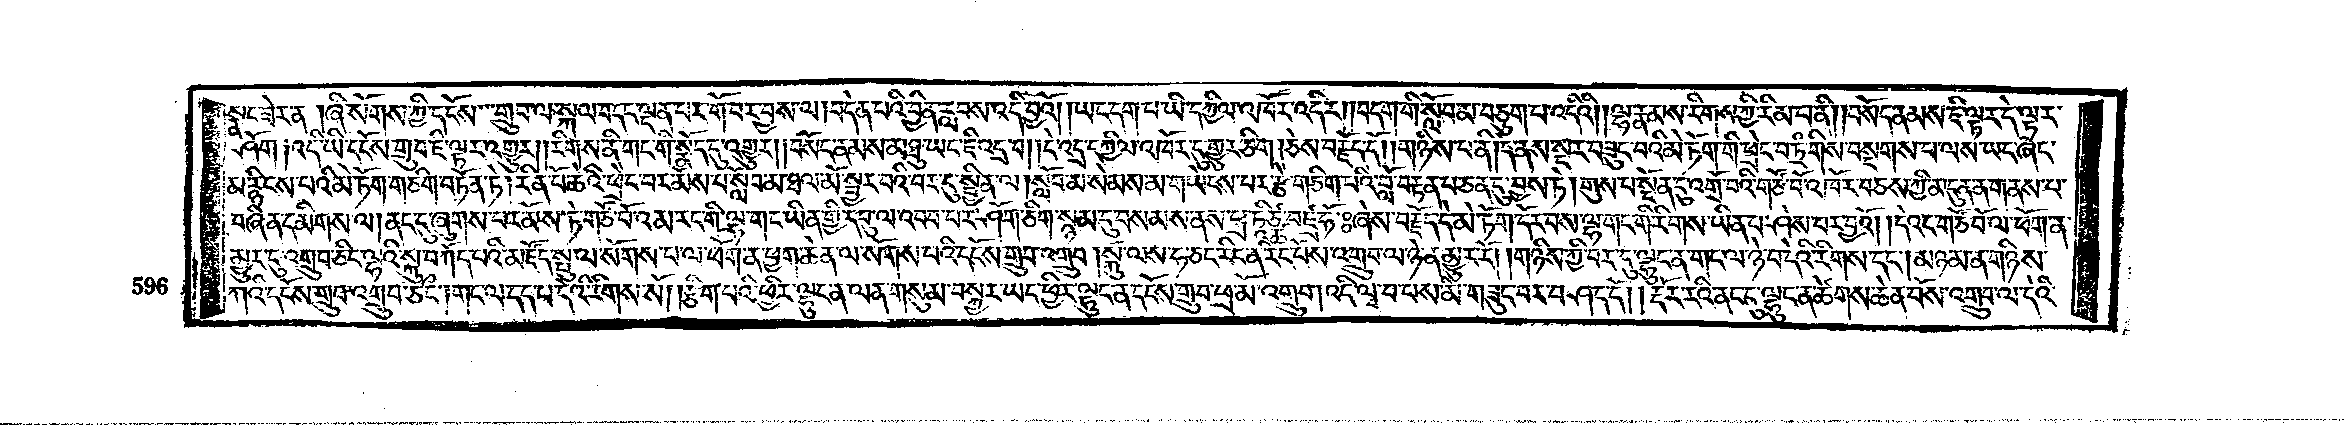སྣང་ཟེར་ན། ཞེ་སོགས་ཀྱི་དངོས་གྲུབ་ལ་སྐལ་བ་དང་ལྡན་པར་གོ་བར་བྱས་ལ། བདེན་པའི་བྱིན་རླབས་འདི་བྱའོ། །ཡང་དག་པ་ཡི་དཀྱིལ་འཁོར་འདིར། །བདག་གི་སློབ་མ་བཅུག་པ་འདིའི། །ལྷ་རྣམས་རིགས་ཀྱི་རིམ་པ་ནི། །བསོད་ནམས་ཇི་ལྟར་དེ་ལྟར་
ཤོག །འདི་ཡི་དངོས་གྲུབ་ཇི་ལྟར་འགྱུར། །རིགས་ནི་གང་གི་སྣོད་དུ་འགྱུར། །བསོད་ནམས་མཐུ་ཡང་ཇི་འདྲ་བ། །དེ་འདྲ་དཀྱིལ་འཁོར་དུ་གྱུར་ཅིག །ཅེས་བརྗོད་དོ། །གཉིས་པ་ནི། དེ་ནས་སྔར་བཟུང་བའི་མེ་ཏོག་གི་ཕྲེང་བ་ཏྲཾ་གིས་བསྔགས་པ་ལས་ཡང་ཞིང་
མ་རྙིངས་པའི་མེ་ཏོག་གཅིག་བཏོན་ཏེ། རིན་པོ་ཆེའི་ཕྲེང་བར་མོས་པ་སློབ་མ་ཐལ་མོ་སྦྱར་བའི་བར་དུ་སྦྱིན་ལ། སློབ་མ་སེམས་མ་གཡེངས་པར་རྩེ་གཅིག་པའི་བློ་བརྟན་པ་ཅན་དུ་བྱས་ཏེ། གུས་པ་སྔོན་དུ་འགྲོ་བའི་གཙོ་བོ་འཁོར་བཅས་ཀྱི་མདུན་ན་གནས་པ་
བཞིན་དམིགས་ལ། ནང་དུ་ཞུགས་པར་མོས་ཏེ་གཙོ་བོ་འམ་རང་གི་ལྷ་གང་ཡིན་གྱི་དབུ་ལ་འབབ་པར་ཤོག་ཅིག་སྙམ་དུ་བསམས་ནས་པྲ་ཏཱིཙྪ་བཛྲ་ཧོཿ ཞེས་བརྗོད་དེ་མེ་ཏོག་དོར་བས་ལྷ་གང་གི་རིགས་ཡིན་པ་ཤེས་པར་བྱའོ། །དེའང་གཙོ་བོ་ལ་ཕོག་ན་
མྱུར་དུ་འགྲུབ་ཅིང་ལྷའི་སྐུ་བཀོད་པའི་མཛོད་སྤུ་ལ་སོགས་པ་ལ་ཕོག་ན་ཕྱག་ཆེན་ལ་སོགས་པའི་དངོས་གྲུབ་འགྲུབ། སྐུ་ལས་ཧ་ཅང་རིང་ན་རིང་པོས་འགྲུབ་ལ་ཉེ་ན་མྱུར་རོ། །གཉིས་ཀྱི་བར་དུ་ལྷུང་ན་གང་ལ་ཉེ་བ་དེའི་རིགས་དང་། མཉམ་ན་གཉིས་
ཀའི་དངོས་གྲུབ་འགྲུབ་ཅིང་། གང་ལ་དད་པ་དེའི་རིགས་སོ། །རྩིག་པའི་ཕྱིར་ལྷུང་ན་ལན་གསུམ་བསྐྱར་ཡང་ཕྱིར་ལྷུང་ན་དངོས་གྲུབ་ཕྲ་མོ་འགྲུབ། འདི་ལྭ་བ་པས་མི་གཟུང་བར་བཤད་དོ། །རྡོར་རའི་ནང་དུ་ལྷུང་ན་ཚེགས་ཆེན་པོས་འགྲུབ་ལ་དེའི་